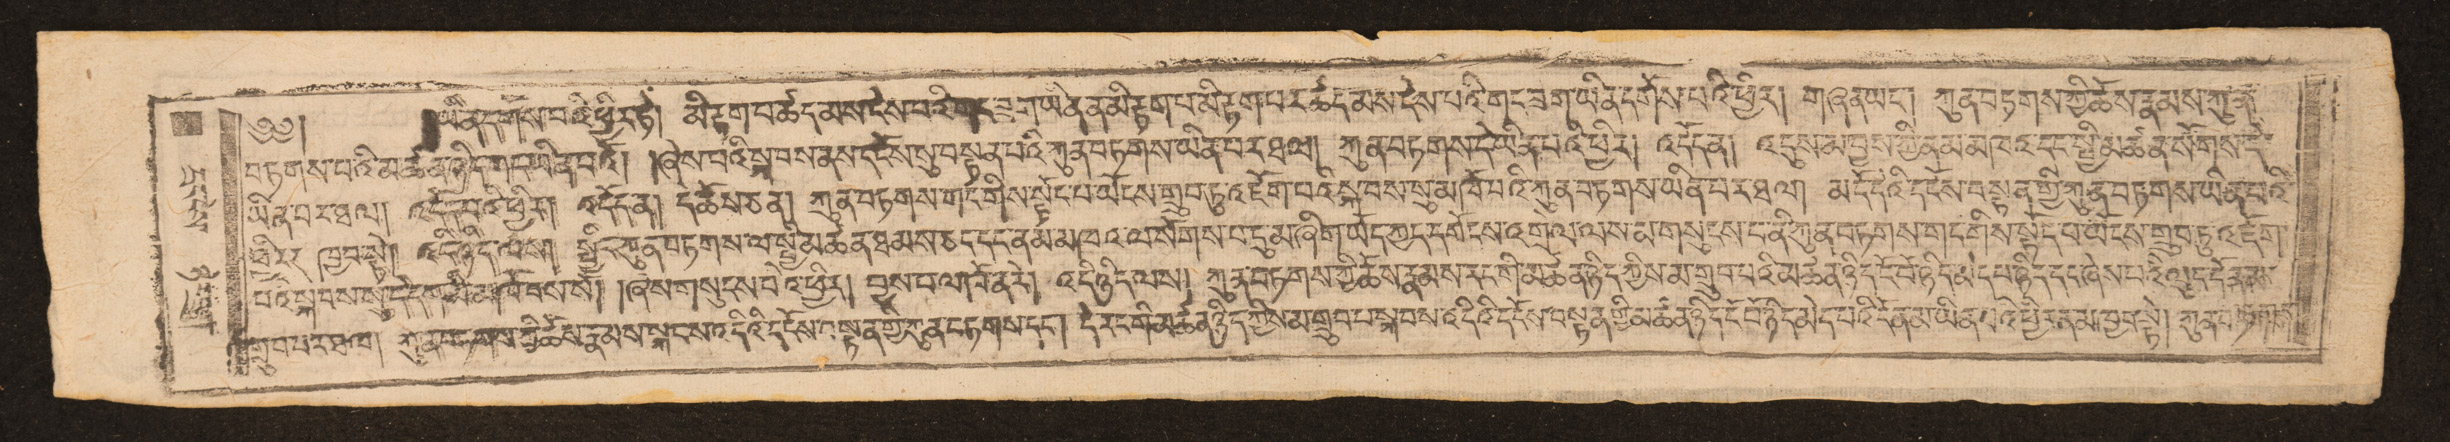༄༅། །ཡིན་དགོས་པའི་ཕྱིར་ཏེ། མི་རྟག་པ་ཚད་མས་ངེས་པའི་གང་ཟག་ཡིན་ན་མི་རྟག་པ་མི་རྟག་པར་ཚད་མས་ངེས་པའི་གང་ཟག་ཡིན་དགོས་པའི་ཕྱིར། གཞན་ཡང་། ཀུན་བཏགས་ཀྱི་ཆོས་རྣམས་ཀུན་
བཏགས་པའི་མཚན་ཉིད་གང་ཡིན་པའོ། །ཞེས་པའི་སྐབས་ནས་དངོས་སུ་བསྟན་པའི་ཀུན་བཏགས་ཡིན་པར་ཐལ། ཀུན་བཏགས་དེ་ཡིན་པའི་ཕྱིར། འདོད་ན། འདུས་མ་བྱས་ཀྱི་ནམ་མཁའ་དང་སྤྱི་མཚན་སོགས་དེ་
ཡིན་པར་ཐལ། འདོད་པའི་ཕྱིར། འདོད་ན། དེ་ཆོས་ཅན། ཀུན་བཏགས་གང་གིས་སྟོང་པ་ཡོངས་གྲུབ་ཏུ་འཇོག་པའི་སྐབས་སུ་མཁོ་པའི་ཀུན་བཏགས་ཡིན་པར་ཐལ། མདོ་དེའི་དངོས་བསྟན་གྱི་ཀུན་བཏགས་ཡིན་པའི་
ཕྱིར༑ ཁྱབ་སྟེ། འདི་ཉིད་ལས། སྤྱིར་ཀུན་བཏགས་ལ་སྤྱི་མཚན་ཐམས་ཅད་དང་ནམ་མཁའ་ལ་སོགས་པ་དུ་མ་ཞིག་ཡོད་ཀྱང་དགོངས་འགྲེལ་ལས་མ་གསུངས་པ་ནི་ཀུན་བཏགས་གང་གིས་སྟོད་པ་ཡོངས་གྲུབ་ཏུ་འཇོག་
པའི་སྐབས་སུ་དེ་དག་མི་མཁོ་བས་སོ། །ཞེས་གསུངས་པའི་ཕྱིར། བྱས་པ་ལ་ཁོ་ན་རེ། འདི་ཉིད་ལས། ཀུན་བཏགས་ཀྱི་ཆོས་རྣམས་རང་གི་མཚན་ཉིད་ཀྱིས་མ་གྲུབ་པའི་མཚན་ཉིད་ངོ་བོ་ཉིད་མེད་པ་ཉིད་དང་ཞེས་པའི་ལུང་དོན་མ་
གྲུབ་པར་ཐལ། ཀུན་བཏགས་ཀྱི་ཆོས་རྣམས་སྐབས་འདིའི་དངོས་བསྟན་གྱི་ཀུན་བཏགས་དང་། དེ་རང་གི་མཚན་ཉིད་ཀྱིས་མ་གྲུབ་པ་སྐབས་འདིའི་དངོས་བསྟན་གྱི་མཚན་ཉིད་ངོ་བོ་ཉིད་མེད་པའི་དོན་མ་ཡིན་པའི་ཕྱིར་ན་མ་ཁྱབ་སྟེ། ཀུན་བཏགས་